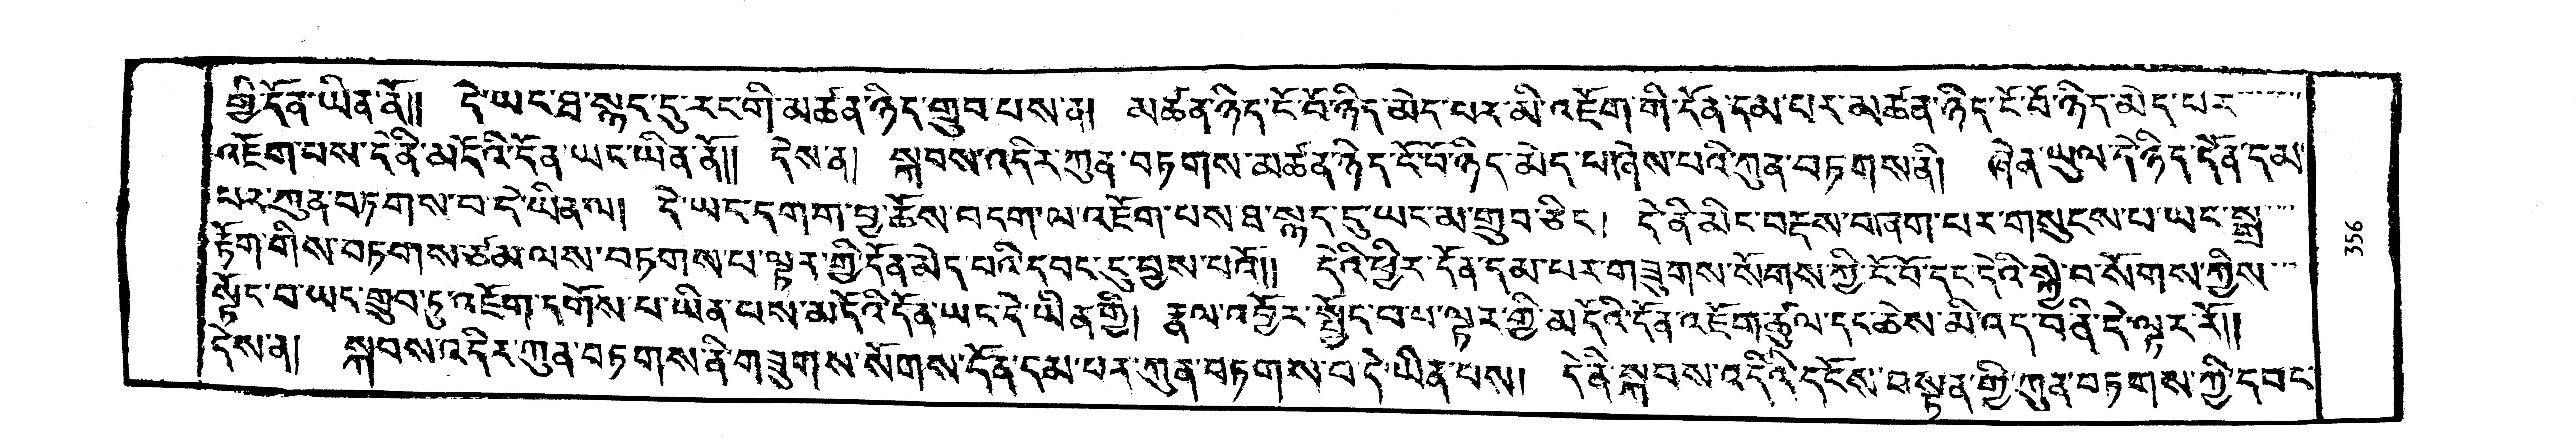གྱི་དོན་ཡིན་ནོ།། དེ་ཡང་ཐ་སྙད་དུ་རང་གི་མཚན་ཉིད་གྲུབ་པས་ན། མཚན་ཉིད་ངོ་བོ་ཉིད་མེད་པར་མི་འཇོག་གི་དོན་དམ་པར་མཚན་ཉིད་ངོ་བོ་ཉིད་མེད་པར་
འཇོག་པས་དེ་ནི་མདོའི་དོན་ཡང་ཡིན་ནོ།། དེས་ན། སྐབས་འདིར་ཀུན་བཏགས་མཚན་ཉིད་ངོ་བོ་ཉིད་མེད་པ་ཞེས་པའི་ཀུན་བཏགས་ནི། ཞེན་ཡུལ་དེ་ཉིད་དོན་དམ་
པར་ཀུན་བཏགས་པ་དེ་ཡིན་ལ། དེ་ཡང་དགག་བྱ་ཆོས་བདག་ལ་འཇོག་པས་ཐ་སྙད་དུ་ཡང་མ་གྲུབ་ཅིང་། དེ་ནི་མིང་བརྡས་བཞག་པར་གསུངས་པ་ཡང་སྒྲ་
རྟོག་གིས་བཏགས་ཙམ་ལས་བཏགས་པ་ལྟར་གྱི་དོན་མེད་པའི་དབང་དུ་བྱས་པའོ།། དེའི་ཕྱིར་དོན་དམ་པར་གཟུགས་སོགས་ཀྱི་ངོ་བོ་དང་དེའི་སྐྱེ་བ་སོགས་ཀྱིས་
སྟོང་པ་ཡང་གྲུབ་ཏུ་འཇོག་དགོས་པ་ཡིན་པས་མདོའི་དོན་ཡང་དེ་ཡིན་གྱི། རྣལ་འབྱོར་སྤྱོད་པ་བ་ལྟར་གྱི་མདོའི་དོན་འཇོག་ཚུལ་དང་ཆེས་མི་འདབ་ནི་དེ་ལྟར་རོ།།
དེས་ན། སྐབས་འདིར་ཀུན་བཏགས་ནི་གཟུགས་སོགས་དོན་དམ་པར་ཀུན་བཏགས་པ་དེ་ཡིན་པས། དེ་ནི་སྐབས་འདིའི་དངོས་བསྟན་གྱི་ཀུན་བཏགས་ཀྱི་དབང་